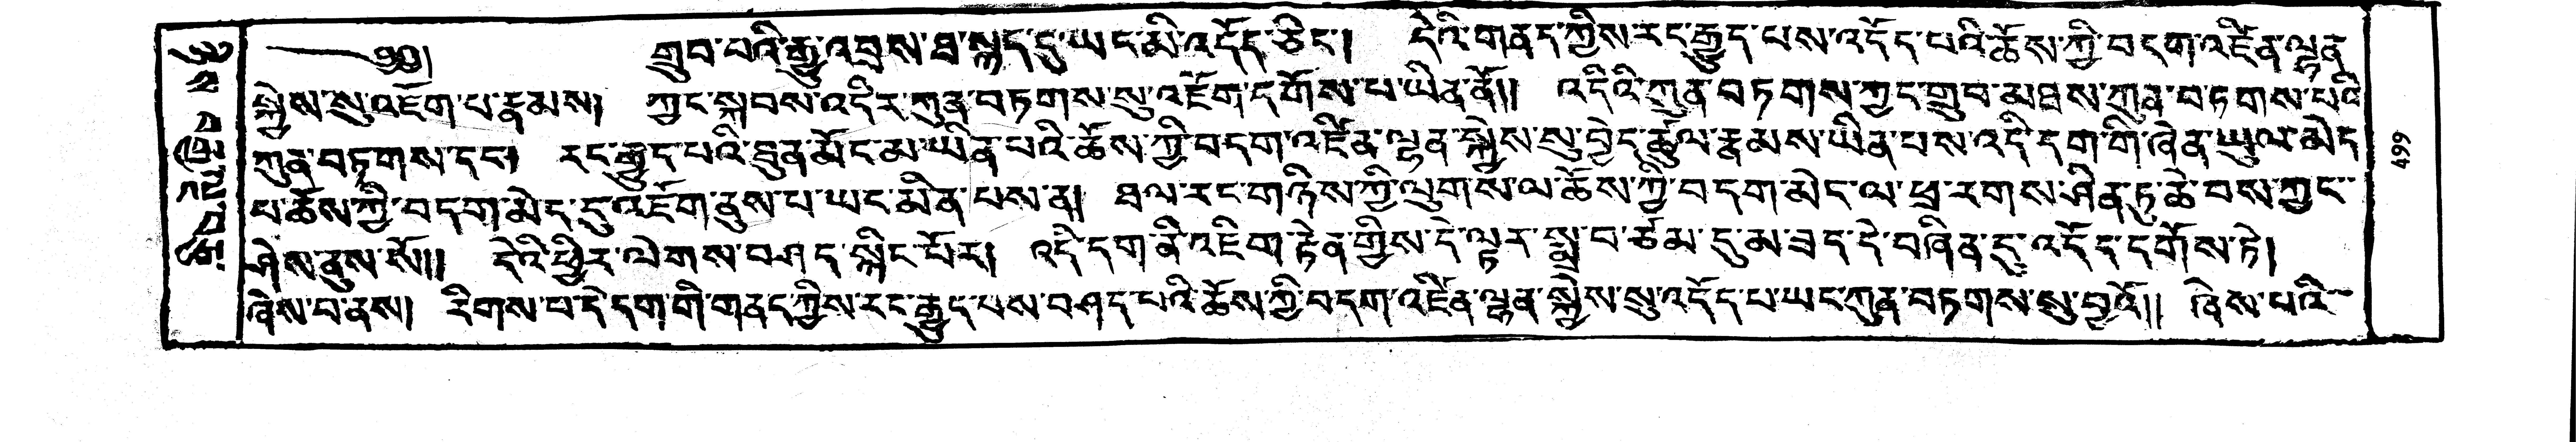༄༅། །གྲུབ་པའི་རྒྱུ་འབྲས་ཐ་སྙད་དུ་ཡང་མི་འདོད་ཅིང་། དེའི་གནད་ཀྱིས་རང་རྒྱུད་པས་འདོད་པའི་ཆོས་ཀྱི་བདག་འཛིན་ལྷན་
སྐྱེས་སུ་འཇོག་པ་རྣམས། ཀྱང་སྐབས་འདིར་ཀུན་བཏགས་སུ་འཇོག་དགོས་པ་ཡིན་ནོ། །འདིའི་ཀུན་བཏགས་ཀྱང་གྲུབ་མཐས་ཀུན་བཏགས་པའི་
ཀུན་བཏགས་དང་། རང་རྒྱུད་པའི་ཐུན་མོང་མ་ཡིན་པའི་ཆོས་ཀྱི་བདག་འཛིན་ལྷན་སྐྱེས་སུ་བྱེད་ཚུལ་རྣམས་ཡིན་པས་འདི་དག་གི་ཞེན་ཡུལ་མེད་
པ་ཆོས་ཀྱི་བདག་མེད་དུ་འཇོག་ནུས་པ་ཡང་མིན་པས་ན། ཐལ་རང་གཉིས་ཀྱི་ལུགས་ལ་ཆོས་ཀྱི་བདག་མེད་ལ་ཕྲ་རགས་ཤིན་ཏུ་ཆེ་བས་ཀྱང་
ཤེས་ནུས་སོ། །དེའི་ཕྱིར་ལེགས་བཤད་སྙིང་པོར། འདི་དག་ནི་འཇིག་རྟེན་གྱིས་དེ་ལྟར་སྨྲ་བ་ཙམ་དུ་མ་ཟད་དེ་བཞིན་དུ་འདོད་དགོས་ཏེ།
ཞེས་བ་ནས། རིགས་པ་དེ་དག་གི་གནད་ཀྱིས་རང་རྒྱུད་པས་བཤད་པའི་ཆོས་ཀྱི་བདག་འཛིན་ལྷན་སྐྱེས་སུ་འདོད་པ་ཡང་ཀུན་བཏགས་སུ་བྱའོ། །ཞེས་པའི་